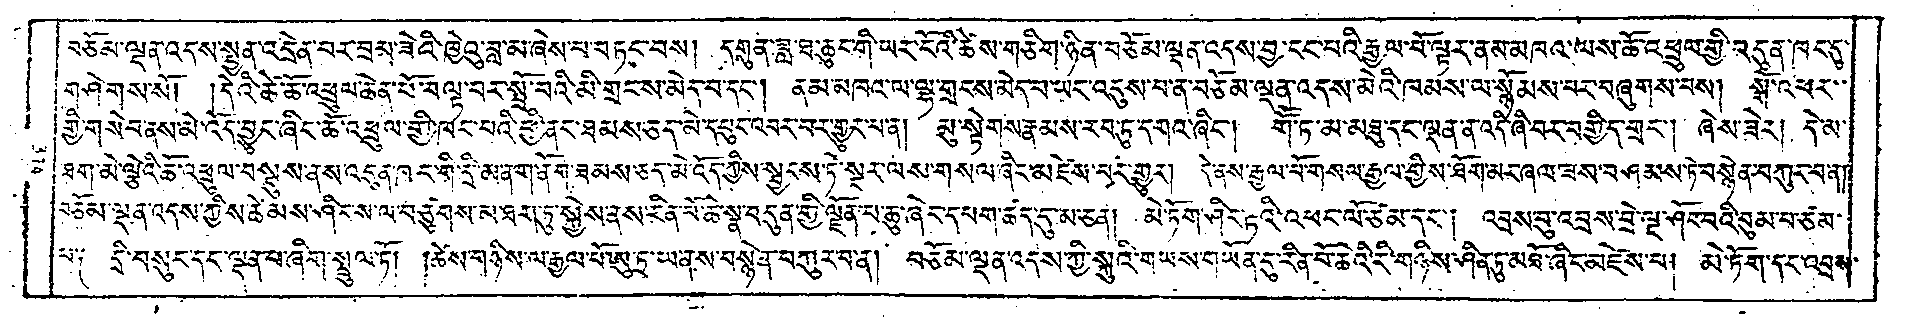བཅོམ་ལྡན་འདས་སྤྱན་འདྲེན་པར་བྲམ་ཟེའི་ཁྱེའུ་བླ་མ་ཞེས་པ་བཏང་བས། དགུན་ཟླ་ཐ་ཆུང་གི་ཡར་ངོའི་ཚེས་གཅིག་ཉིན་བཅོམ་ལྡན་འདས་བྱ་ངང་པའི་རྒྱལ་པོ་ལྟར་ནམ་མཁའ་ལས་ཆོ་འཕྲུལ་གྱི་འདུན་ཁང་དུ་
གཤེགས་སོ། །དེའི་ཚེ་ཆོ་འཕྲུལ་ཆེན་པོ་བལྟ་བར་སྤྲོ་བའི་མི་གྲངས་མེད་པ་དང་། ནམ་མཁའ་ལ་ལྷ་གྲངས་མེད་པ་ཡང་འདུས་པ་ན་བཅོམ་ལྡན་འདས་མེའི་ཁམས་ལ་སྙོམས་པར་བཞུགས་པས། སྒོ་འཕར་
གྱི་གསེབ་ནས་མེ་འོད་བྱུང་ཞིང་ཆོ་འཕྲུལ་གྱི་ཁང་པའི་ཕྱི་ནང་ཐམས་ཅད་མེ་དཔུང་འབར་བར་གྱུར་པ་ན། མུ་སྟེགས་རྣམས་རབ་ཏུ་དགའ་ཞིང་། གཽ་ཏ་མ་མཐུ་དང་ལྡན་ན་འདི་ཞི་བར་བགྱིད་གྲང་། ཞེས་ཟེར། དེ་མ་
ཐག་མེ་ལྕེའི་ཆོ་འཕྲུལ་བསྡུས་ནས་འདུན་ཁང་གི་དྲི་མ་ནག་ནོག་ཐམས་ཅད་མེ་འོད་ཀྱིས་སྦྱངས་ཏེ་སྔར་ལས་གསལ་ཞིང་མཛེས་པར་གྱུར། དེ་ནས་རྒྱལ་པོ་གསལ་རྒྱལ་གྱིས་ཐོག་མར་ཞལ་ཟས་བཤམས་ཏེ་བསྙེན་བཀུར་བ་ན།
བཅོམ་ལྡན་འདས་ཀྱིས་ཚེམས་ཤིང་ས་ལ་བཙུགས་མ་ཐག་ཏུ་སྐྱེས་ནས་རིན་པོ་ཆེ་སྣ་བདུན་གྱི་ལྗོན་པ་ཆུ་ཞེང་དཔག་ཚད་དུ་མ་ཅན། མེ་ཏོག་ཤིང་རྟའི་འཕང་ལོ་ཙམ་དང་། འབྲས་བུ་འབྲས་བྲེ་ལྔ་ཤོང་བའི་བུམ་པ་ཙམ་
པ༑ དྲི་བསུང་དང་ལྡན་པ་ཞིག་སྤྲུལ་ཏོ། །ཚེས་གཉིས་ལ་རྒྱལ་པོ་ཨུ་ཏྲ་ཡ་ནས་བསྙེན་བཀུར་བ་ན། བཅོམ་ལྡན་འདས་ཀྱི་སྐུའི་གཡས་གཡོན་དུ་རིན་པོ་ཆེའི་རི་གཉིས་ཤིན་ཏུ་མཐོ་ཞིང་མཛེས་པ། མེ་ཏོག་དང་འབྲས་